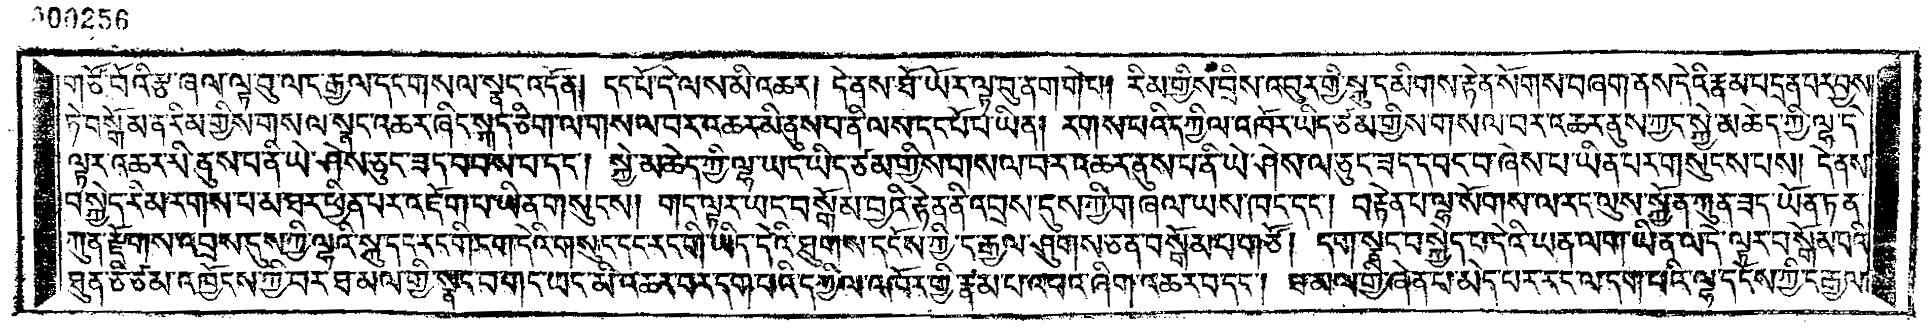གཙོ་བོའི་རྩ་ཞལ་ལྟ་བུ་ལ་ང་རྒྱལ་དང་གསལ་སྣང་འདོན། དང་པོ་དེ་ལས་མི་འཆར། དེ་ནས་ཐོ་ཡོར་ལྟ་བུ་ནག་གེ་པ། རིམ་གྱིས་བྲིས་འབུར་གྱི་སྐུ་དམིགས་རྟེན་སོགས་བཞག་ནས་དེའི་རྣམ་པ་དྲན་པར་བྱས་
ཏེ་བསྒོམ་ན་རིམ་གྱིས་གསལ་སྣང་འཆར་ཞིང་སྐད་ཅིག་ལ་གསལ་བར་འཆར་མི་ནུས་པ་ནི་ལས་དང་པོ་པ་ཡིན། རགས་པའི་དཀྱིལ་འཁོར་ཡིད་ཙམ་གྱིས་གསལ་བར་འཆར་ནུས་ཀྱང་སྐྱེ་མཆེད་ཀྱི་ལྷ་དེ་
ལྟར་འཆར་མི་ནུས་པ་ནི་ཡེ་ཤེས་ཅུང་ཟད་བབས་པ་དང་། སྐྱེ་མཆེད་ཀྱི་ལྷ་ཡང་ཡིད་ཙམ་གྱིས་གསལ་བར་འཆར་ནུས་པ་ནི་ཡེ་ཤེས་ལ་ཅུང་ཟད་དབང་བ་ཞེས་པ་ཡིན་པར་གསུངས་པས། དེ་ནས་
བསྐྱེད་རིམ་རགས་པ་མཐར་ཕྱིན་པར་འཇོག་པ་ཡིན་གསུངས། གང་ལྟར་ཡང་བསྒོམ་བྱའི་རྟེན་ནི་འབྲས་དུས་ཀྱི་གཞལ་ཡས་ཁང་དང་། བརྟེན་པ་ལྷ་སོགས་ལ་རང་ལུས་སྐྱོན་ཀུན་ཟད་ཡོན་ཏན་
ཀུན་རྫོགས་འབྲས་དུས་ཀྱི་ལྷའི་སྐུ་དང་རང་གི་ངག་དེའི་གསུང་དང་རང་གི་ཡིད་དེའི་ཐུགས་དངོས་ཀྱི་ང་རྒྱལ་ཤུགས་ཅན་བསྒོམ་པ་གཙོ། དག་སྣང་བསྐྱེད་པ་དེའི་ཡན་ལག་ཡིན་ལ་དེ་ལྟར་བསྒོམ་པའི་
ཐུན་ཅི་ཙམ་འཁྱོངས་ཀྱི་བར་ཐ་མལ་གྱི་སྣང་བ་གང་ཡང་མི་འཆར་བར་དག་པའི་དཀྱིལ་འཁོར་གྱི་རྣམ་པ་འབའ་ཞིག་འཆར་བ་དང་། ཐ་མལ་གྱི་ཞེན་པ་མེད་པར་རང་ལ་དག་པའི་ལྷ་དངོས་ཀྱི་ང་རྒྱལ་